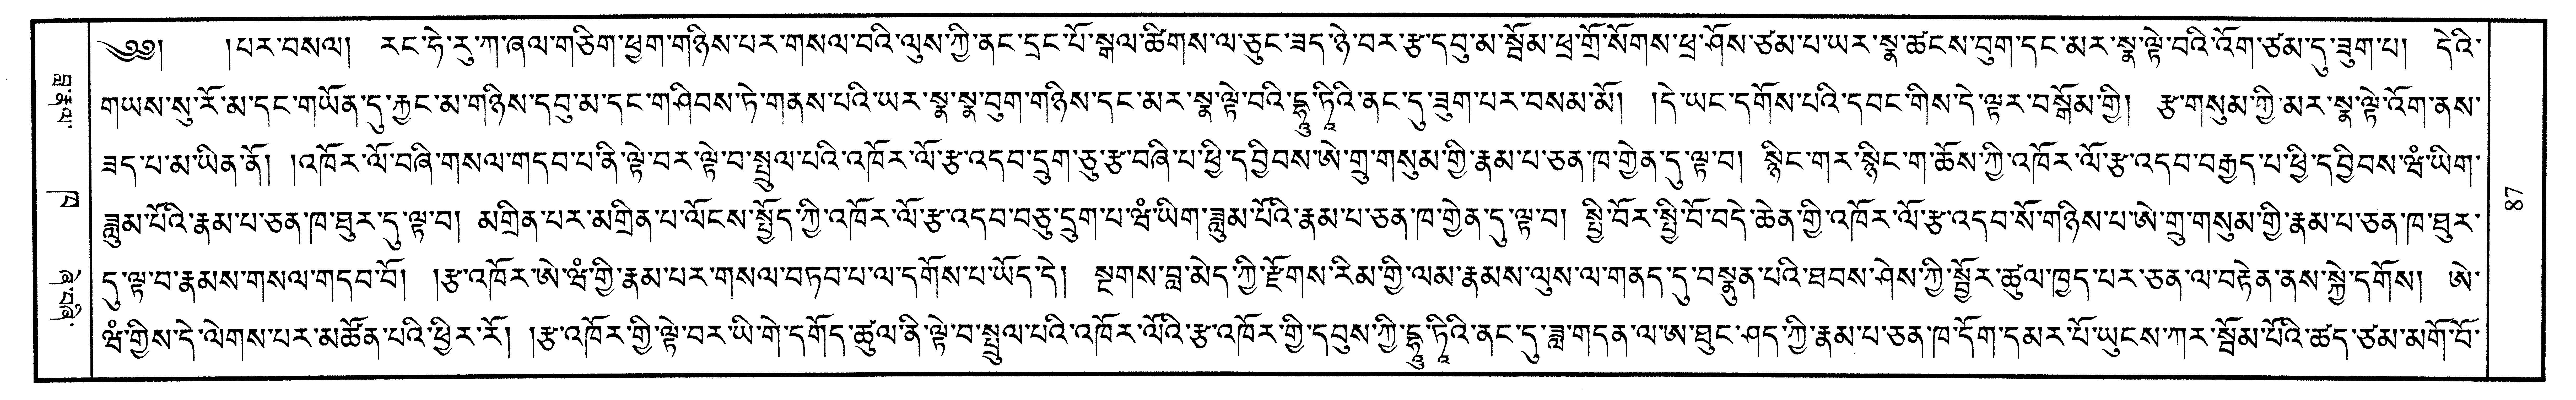༄༅། །པར་བསལ། རང་ཧེ་རུ་ཀ་ཞལ་གཅིག་ཕྱག་གཉིས་པར་གསལ་བའི་ལུས་ཀྱི་ནང་དྲང་པོ་སྒལ་ཚིགས་ལ་ཅུང་ཟད་ཉེ་བར་རྩ་དབུ་མ་སྦོམ་ཕྲ་གྲོ་སོགས་ཕྲ་ཤོས་ཙམ་པ་ཡར་སྣ་ཚངས་བུག་དང་མར་སྣ་ལྟེ་བའི་འོག་ཙམ་དུ་ཟུག་པ། དེའི་
གཡས་སུ་རོ་མ་དང་གཡོན་དུ་རྐྱང་མ་གཉིས་དབུ་མ་དང་གཤིབས་ཏེ་གནས་པའི་ཡར་སྣ་སྣ་བུག་གཉིས་དང་མར་སྣ་ལྟེ་བའི་དྷཱུ་ཏཱིའི་ནང་དུ་ཟུག་པར་བསམ་མོ། །དེ་ཡང་དགོས་པའི་དབང་གིས་དེ་ལྟར་བསྒོམ་གྱི། རྩ་གསུམ་གྱི་མར་སྣ་ལྟེ་འོག་ནས་
ཟད་པ་མ་ཡིན་ནོ། །འཁོར་ལོ་བཞི་གསལ་གདབ་པ་ནི་ལྟེ་བར་ལྟེ་བ་སྤྲུལ་པའི་འཁོར་ལོ་རྩ་འདབ་དྲུག་ཅུ་རྩ་བཞི་པ་ཕྱི་དབྱིབས་ཨེ་གྲུ་གསུམ་གྱི་རྣམ་པ་ཅན་ཁ་གྱེན་དུ་ལྟ་བ། སྙིང་གར་སྙིང་ག་ཆོས་ཀྱི་འཁོར་ལོ་རྩ་འདབ་བརྒྱད་པ་ཕྱི་དབྱིབས་ཝཾ་ཡིག་
ཟླུམ་པོའི་རྣམ་པ་ཅན་ཁ་ཐུར་དུ་ལྟ་བ། མགྲིན་པར་མགྲིན་པ་ལོངས་སྤྱོད་ཀྱི་འཁོར་ལོ་རྩ་འདབ་བཅུ་དྲུག་པ་ཝཾ་ཡིག་ཟླུམ་པོའི་རྣམ་པ་ཅན་ཁ་གྱེན་དུ་ལྟ་བ། སྤྱི་བོར་སྤྱི་བོ་བདེ་ཆེན་གྱི་འཁོར་ལོ་རྩ་འདབ་སོ་གཉིས་པ་ཨེ་གྲུ་གསུམ་གྱི་རྣམ་པ་ཅན་ཁ་ཐུར་
དུ་ལྟ་བ་རྣམས་གསལ་གདབ་བོ། །རྩ་འཁོར་ཨེ་ཝཾ་གྱི་རྣམ་པར་གསལ་བཏབ་པ་ལ་དགོས་པ་ཡོད་དེ། སྔགས་བླ་མེད་ཀྱི་རྫོགས་རིམ་གྱི་ལམ་རྣམས་ལུས་ལ་གནད་དུ་བསྣུན་པའི་ཐབས་ཤེས་ཀྱི་སྦྱོར་ཚུལ་ཁྱད་པར་ཅན་ལ་བརྟེན་ནས་སྐྱེ་དགོས། ཨེ་
ཝཾ་གྱིས་དེ་ལེགས་པར་མཚོན་པའི་ཕྱིར་རོ། །རྩ་འཁོར་གྱི་ལྟེ་བར་ཡི་གེ་དགོད་ཚུལ་ནི་ལྟེ་བ་སྤྲུལ་པའི་འཁོར་ལོའི་རྩ་འཁོར་གྱི་དབུས་ཀྱི་དྷཱུ་ཏཱིའི་ནང་དུ་ཟླ་གདན་ལ་ཨ་ཐུང་ཤད་ཀྱི་རྣམ་པ་ཅན་ཁ་དོག་དམར་པོ་ཡུངས་ཀར་སྦོམ་པོའི་ཚད་ཙམ་མགོ་བོ་